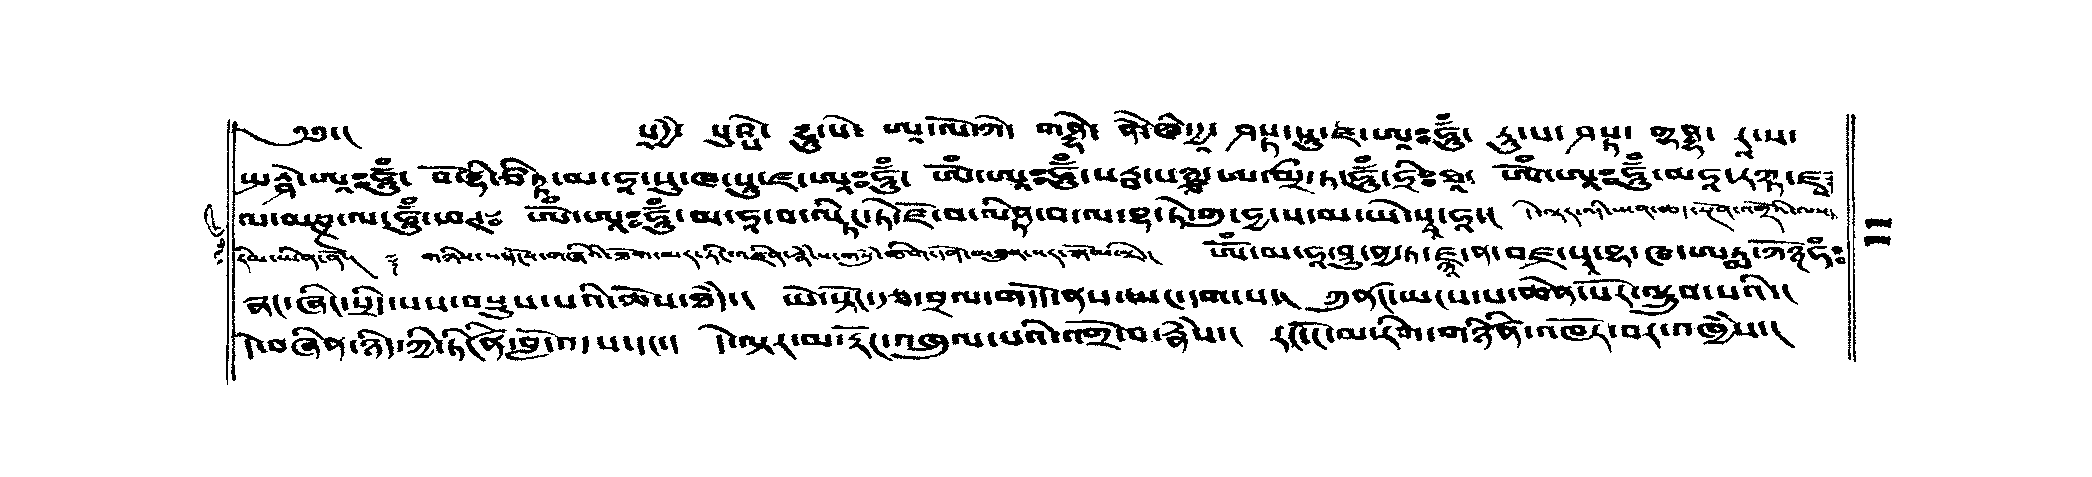པཱདྱཾ། པུཥྤེ། དྷུ་པེ། ཨཱ་ལོ་ཀེ། གནྡྷེ། ནཻ་ཝི་དྱཱ། ཤཔྟ་པཱུ་ཛ་ཨཱཿཧཱུྃ། རཱུ་པ། ཤཔྟ། གྷནྡྷ། རཱ་ས། 
སྤརྴེ་ཨཱཿཧཱུྃ། བོ་དྷི་ཙིཏྟ་མ་ཧཱ་སུ་ཁ་པཱུ་ཛ་ཨཱཿཧཱུྃ། ཨོྃ་ཨཱཿཧཱུྃ་སརྦ་པཉྫ་ཨ་མྲྀ་ཏ་ཧཱུྃ་ཧྲིཿཐཱ། ཨོྃ་ཨཱ་ཧཱུྃ་མ་ཧཱ་རཏྣ་ཛྭ་
ལ་མཎྜ་ལ་ཧཱུྃ་ཕཊཿ ཨོྃ་ཨཱ་ཧཱུྃ་མ་ཧཱ་བ་ལིངྟ་ཏེ་ཛོ་བ་ལིཏྣ་བ་ལ་བྷ་ཏེ་གུ་ཧྱ་ས་མ་ཡེ་སྭ་ཧཱ། དེ་ལྟར་དེ་ཡན་ཆད་སྔོན་འགྲོའི་ལས་
རིམ་ཡིན་ནོ། ༈ གཉིས་པ་དངོས་གཞིའི་ཐོག་མར་ཏིང་འཛིན་རྣམ་པ་གསུམ་ཚིག་དོན་མཐུན་པར་སྒོམ་སྟེ། ཨོྃ་མ་ཧཱ་ཤུནྱ་ཏ་ཛྙ་ན་བཛྲ་སྭཱ་བྷ་ཝ་ཨདྨ་ཀོཉཧཾཿ 
དེ་ལྟར་མ་ཧཱ་ཤུ་ནྱ་ཏ་ཛྙ་ན་བཛྲ་སྭཱ་བྷ་ཝ་ཨདྨ་ཀོཉཧཾཿ སྣང་ཞིང་སྲིད་པས་བསྡུས་པའི་ཆོས་ཐམས་ཅད། །ཡེ་སྟོང་རྩ་བྲལ་གདོད་ནས་ཡང་དག་པ། །ཀུན་བཟང་ཡངས་པ་ཆེན་པོར་ལྷུབ་གྲུབ་པའི། །
དེ་བཞིན་ཉིད་ཀྱི་ཏིང་འཛིན་བློ་འདས་དང་། །དེ་ལྟར་མ་རྟོགས་འཁྲུལ་པའི་འགྲོ་བ་རྣམས། །རང་ངོ་མ་རིག་གཉིས་འཛིན་འཁོར་བར་འཁྱམས། །